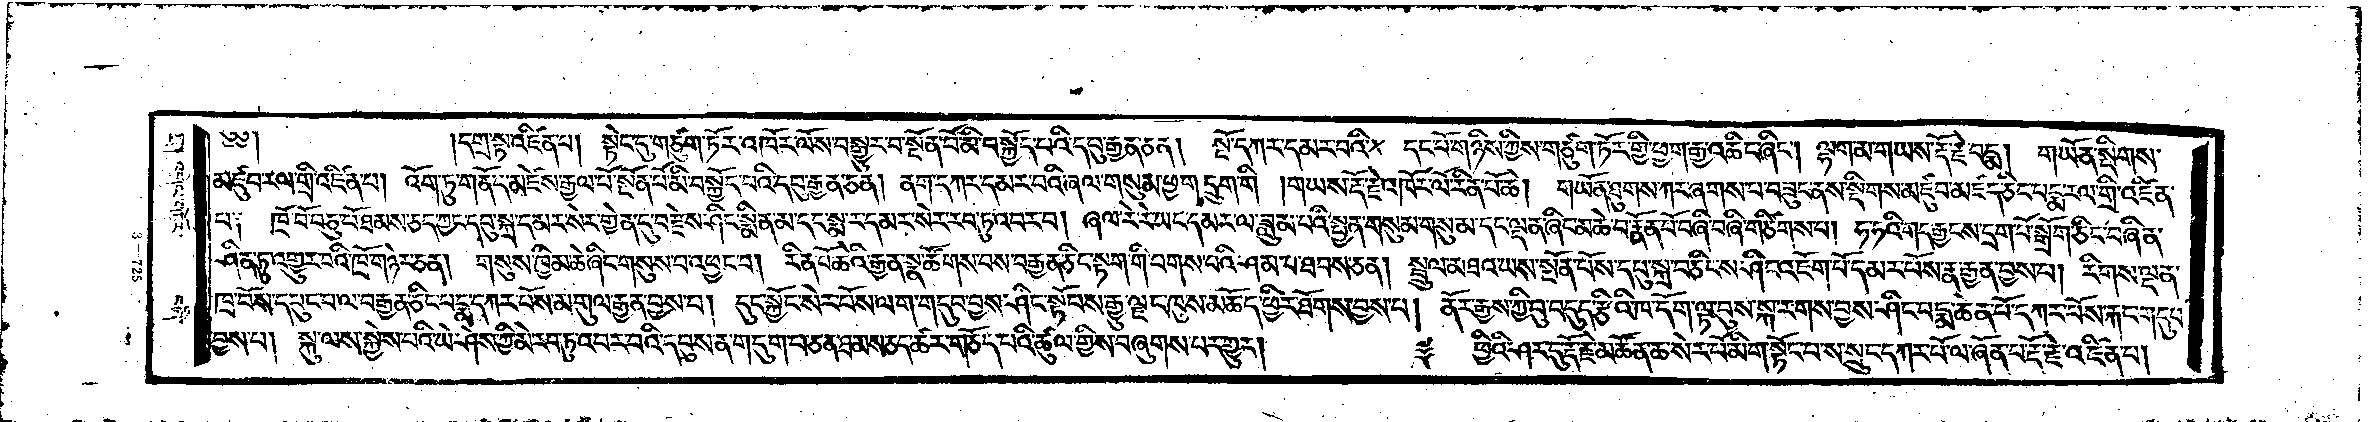༄༅། །དགྲ་སྟ་འཛིན་པ། སྟེང་དུ་གཙུག་ཏོར་འཁོར་ལོས་བསྒྱུར་བ་སྔོན་པོ་མི་བསྐྱོད་པའི་དབུ་རྒྱན་ཅན། སྔོ་དཀར་དམར་བའི་྾་དང་པོ་གཉིས་ཀྱིས་གཙུག་ཏོར་གྱི་ཕྱག་རྒྱ་འཆིང་ཞིང་། ལྷག་མ་གཡས་རྡོ་རྗེ་པདམ། གཡོན་སྡིགས་
མཛུབ་རལ་གྲི་འཛིན་པ། འོག་ཏུ་གནོད་མཛེས་རྒྱལ་པོ་སྔོན་པོ་མི་བསྐྱོད་པའི་དབུ་རྒྱན་ཅན། ནག་དཀར་དམར་བའི་ཞལ་གསུམ་ཕྱག་དྲུག་གི །གཡས་རྡོ་རྗེ་འཁོར་ལོ་རིན་པོ་ཆེ། གཡོན་ཐུགས་ཀར་ཞགས་པ་བཟུང་ནས་སྡིགས་མཛུབ་མཛད་ཅིང་པདམ་རལ་གྲི་འཛིན་
པ༑ ཁྲོ་བོ་བཅུ་པོ་ཐམས་ཅད་ཀྱང་དབུ་སྐྲ་དམར་སེར་གྱེན་དུ་བརྫེས་ཤིང་སྨིན་མ་དང་སྨར་དམར་སེར་རབ་ཏུ་འབར་བ། ཞལ་རེ་རེ་ཡང་དམར་ལ་ཟླུམ་པའི་སྤྱན་གསུམ་གསུམ་དང་ལྡན་ཞིང་མཆེ་བ་རྣོན་པོ་བཞི་བཞི་གཙིགས་པ། ཧ་ཧའི་གད་རྒྱངས་དྲག་པོ་སྒྲོག་ཅིང་བཞིན་
ཤིན་ཏུ་འགྱུར་བའི་ཁྲོ་གཉེར་ཅན། གསུས་ཁྱིམ་ཆེ་ཞིང་གསུས་པ་འཕྱང་བ། རིན་པོ་ཆེའི་རྒྱན་སྣ་ཚོགས་པས་བརྒྱན་ཅིང་སྟག་གི་བགས་པའི་ཤམ་པ་ཐབས་ཅན། སྦྲུལ་མཐའ་ཡས་སྔོན་པོས་དབུ་སྐྲ་བཅིངས་ཤིང་འཇོག་པོ་དམར་པོས་རྣ་རྒྱན་བྱས་པ། རིགས་ལྡན་
ཁྲ་བོས་དབུང་བ་ལ་བརྒྱན་ཅིང་པདམ་དཀར་པོས་མགུལ་རྒྱན་བྱས་པ། དུང་སྐྱོང་སེར་པོས་ལག་གདུབ་བྱས་ཤིང་སྟོབས་རྒྱུ་ལྗང་ཁུས་མཆོད་ཕྱིར་ཐོགས་བྱས་པ། ནོར་རྒྱས་ཀྱི་བུ་བདུད་རྩིའི་ཁ་དོག་ལྟ་བུས་སྐ་རགས་བྱས་ཤིང་པདམ་ཆེན་པོ་དཀར་པོས་རྐང་གདུབ་
བྱས་པ། སྐུ་ལས་སྐྱེས་པའི་ཡེ་ཤེས་ཀྱི་མེ་རབ་ཏུ་འབར་བའི་དབུས་ན་གདུག་བ་ཅན་ཐམས་ཅད་ཚར་གཅོད་པའི་ཚུལ་གྱིས་བཞུགས་པར་གྱུར། ༈ ཕྱིའི་ཤར་དུ་རྡོ་རྗེ་མཚོན་ཆ་སེར་པོ་མིག་སྟོང་བ་ས་སྲུང་དཀར་པོ་ལ་ཞོན་པ་རྡོ་རྗེ་འཛིན་པ།